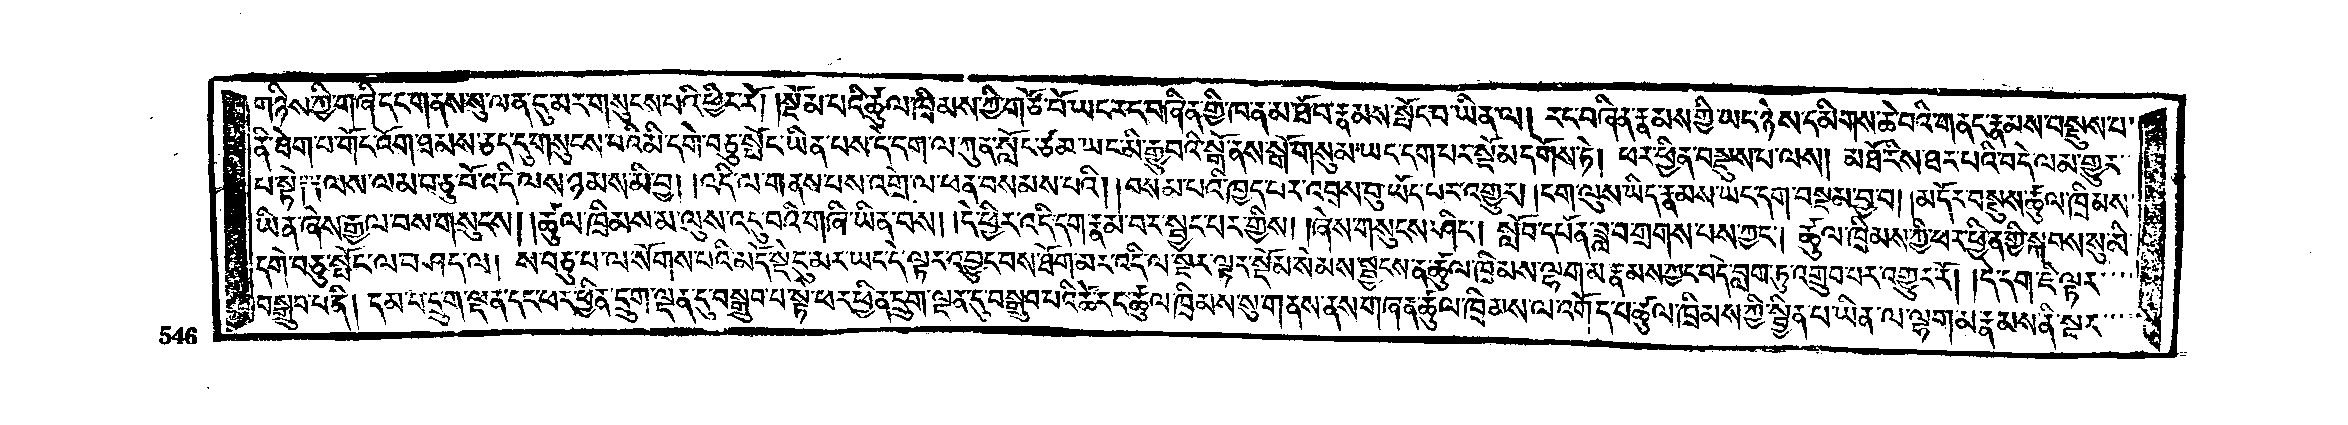གཉིས་ཀྱི་གཞི་དང་གནས་སུ་ལན་དུ་མར་གསུངས་པའི་ཕྱིར་རོ། །སྡོམ་པའི་ཚུལ་ཁྲིམས་ཀྱི་གཙོ་བོ་ཡང་རང་བཞིན་གྱི་ཁ་ན་མ་ཐོ་བ་རྣམས་སྤོང་བ་ཡིན་ལ། རང་བཞིན་རྣམས་ཀྱི་ཡང་ཉེས་དམིགས་ཆེ་བའི་གནད་རྣམས་བསྡུས་པ་
ནི་ཐེག་པ་གོང་འོག་ཐམས་ཅད་དུ་གསུངས་པའི་མི་དགེ་བཅུ་སྤོང་ཡིན་པས་དེ་དག་ལ་ཀུན་སློང་ཙམ་ཡང་མི་རྒྱུ་བའི་སྒོ་ནས་སྒོ་གསུམ་ཡང་དག་པར་སྡོམ་དགོས་ཏེ། ཕར་ཕྱིན་བསྡུས་པ་ལས། མཐོ་རིས་ཐར་པའི་བདེ་ལམ་གྱུར་
པ་སྟེ༑ ༑ལས་ལམ་བཅུ་པོ་འདི་ལས་ཉམས་མི་བྱ། །འདི་ལ་གནས་པས་འགྲོ་ལ་ཕན་བསམས་པའི། །བསམ་པའི་ཁྱད་པར་འབྲས་བུ་ཡོད་པར་འགྱུར། །ངག་ལུས་ཡིད་རྣམས་ཡང་དག་བསྡམ་བྱ་བ། །མདོར་བསྡུས་ཚུལ་ཁྲིམས་
ཡིན་ཞེས་རྒྱལ་བས་གསུངས། །ཚུལ་ཁྲིམས་མ་ལུས་འདུ་བའི་གཞི་ཡིན་པས། །དེ་ཕྱིར་འདི་དག་རྣམ་པར་སྦྱད་བར་གྱིས། །ཞེས་གསུངས་ཤིང་། སློབ་དཔོན་ཟླ་བ་གྲགས་པས་ཀྱང་། ཚུལ་ཁྲིམས་ཀྱི་ཕར་ཕྱིན་གྱི་སྐབས་སུ་མི་
དག་བཅུ་སྤོང་ལ་བཤད་ལ། ས་བཅུ་པ་ལ་སོགས་པའི་མདོ་སྡེ་དུ་མར་ཡང་དེ་ལྟར་འབྱུང་པས་ཐོག་མར་འདི་ལ་སྔར་ལྟར་སྡོམ་སེམས་སྦྱངས་ན་ཚུལ་ཁྲིམས་ལྷག་མ་རྣམས་ཀྱང་བདེ་བླག་ཏུ་འགྲུབ་པར་འགྱུར་རོ། །དེ་དག་ཇི་ལྟར་
བསྒྲུབ་པ་ནི། དམ་པ་དྲུག་ལྡན་དང་ཕར་ཕྱིན་དྲུག་ལྡན་དུ་བསྒྲུབ་པ་སྟེ་ཕར་ཕྱིན་དྲུག་ལྡན་དུ་བསྒྲུབ་པའི་ཚེ་རང་ཚུལ་ཁྲིམས་ལ་གནས་ནས་གཞན་ཚུལ་ཁྲིམས་ལ་འགོད་པ་ཚུལ་ཁྲིམས་ཀྱི་སྦྱིན་པ་ཡིན་ལ་ལྷག་མ་རྣམས་ནི་སྔར་